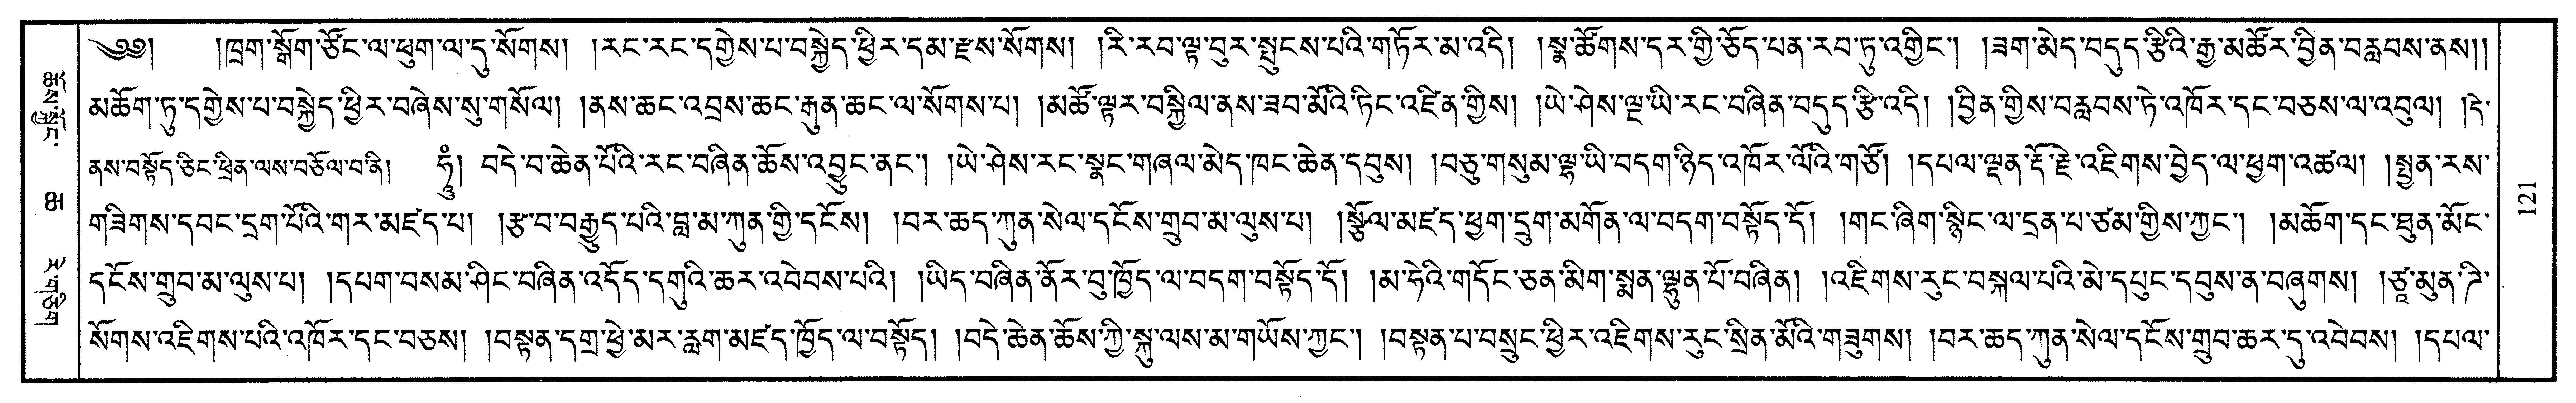༄༅། །ཁྲག་སྒོག་ཙོང་ལ་ཕུག་ལ་དུ་སོགས། །རང་རང་དགྱེས་པ་བསྐྱེད་ཕྱིར་དམ་རྫས་སོགས། །རི་རབ་ལྟ་བུར་སྤུངས་པའི་གཏོར་མ་འདི། །སྣ་ཚོགས་དར་གྱི་ཅོད་པན་རབ་ཏུ་འགྱིང་། །ཟག་མེད་བདུད་རྩིའི་རྒྱ་མཚོར་བྱིན་བརླབས་ནས།།
མཆོག་ཏུ་དགྱེས་པ་བསྐྱེད་ཕྱིར་བཞེས་སུ་གསོལ། །ནས་ཆང་འབྲས་ཆང་རྒུན་ཆང་ལ་སོགས་པ། །མཚོ་ལྟར་བསྐྱིལ་ནས་ཟབ་མོའི་ཏིང་འཛིན་གྱིས། །ཡེ་ཤེས་ལྔ་ཡི་རང་བཞིན་བདུད་རྩི་འདི། །བྱིན་གྱིས་བརླབས་ཏེ་འཁོར་དང་བཅས་ལ་འབུལ། །དེ་
ནས་བསྟོད་ཅིང་ཕྲིན་ལས་བཅོལ་བ་ནི། ཧཱུཾ། བདེ་བ་ཆེན་པོའི་རང་བཞིན་ཆོས་འབྱུང་ནང་། །ཡེ་ཤེས་རང་སྣང་གཞལ་མེད་ཁང་ཆེན་དབུས། །བཅུ་གསུམ་ལྷ་ཡི་བདག་ཉིད་འཁོར་ལོའི་གཙོ། །དཔལ་ལྡན་རྡོ་རྗེ་འཇིགས་བྱེད་ལ་ཕྱག་འཚལ། །སྤྱན་རས་
གཟིགས་དབང་དྲག་པོའི་གར་མཛད་པ། །རྩ་བ་བརྒྱུད་པའི་བླ་མ་ཀུན་གྱི་དངོས། །བར་ཆད་ཀུན་སེལ་དངོས་གྲུབ་མ་ལུས་པ། །སྩོལ་མཛད་ཕྱག་དྲུག་མགོན་ལ་བདག་བསྟོད་དོ། །གང་ཞིག་སྙིང་ལ་དྲན་པ་ཙམ་གྱིས་ཀྱང་། །མཆོག་དང་ཐུན་མོང་
དངོས་གྲུབ་མ་ལུས་པ། །དཔག་བསམ་ཤིང་བཞིན་འདོད་དགུའི་ཆར་འབེབས་པའི། །ཡིད་བཞིན་ནོར་བུ་ཁྱོད་ལ་བདག་བསྟོད་དོ། །མ་ཧེའི་གདོང་ཅན་མིག་སྨན་ལྷུན་པོ་བཞིན། །འཇིགས་རུང་བསྐལ་པའི་མེ་དཔུང་དབུས་ན་བཞུགས། །ཙཱ་མུན་ཌི་
སོགས་འཇིགས་པའི་འཁོར་དང་བཅས། །བསྟན་དགྲ་ཕྱེ་མར་རླག་མཛད་ཁྱོད་ལ་བསྟོད། །བདེ་ཆེན་ཆོས་ཀྱི་སྐུ་ལས་མ་གཡོས་ཀྱང་། །བསྟན་པ་བསྲུང་ཕྱིར་འཇིགས་རུང་སྲིན་མོའི་གཟུགས། །བར་ཆད་ཀུན་སེལ་དངོས་གྲུབ་ཆར་དུ་འབེབས། །དཔལ་